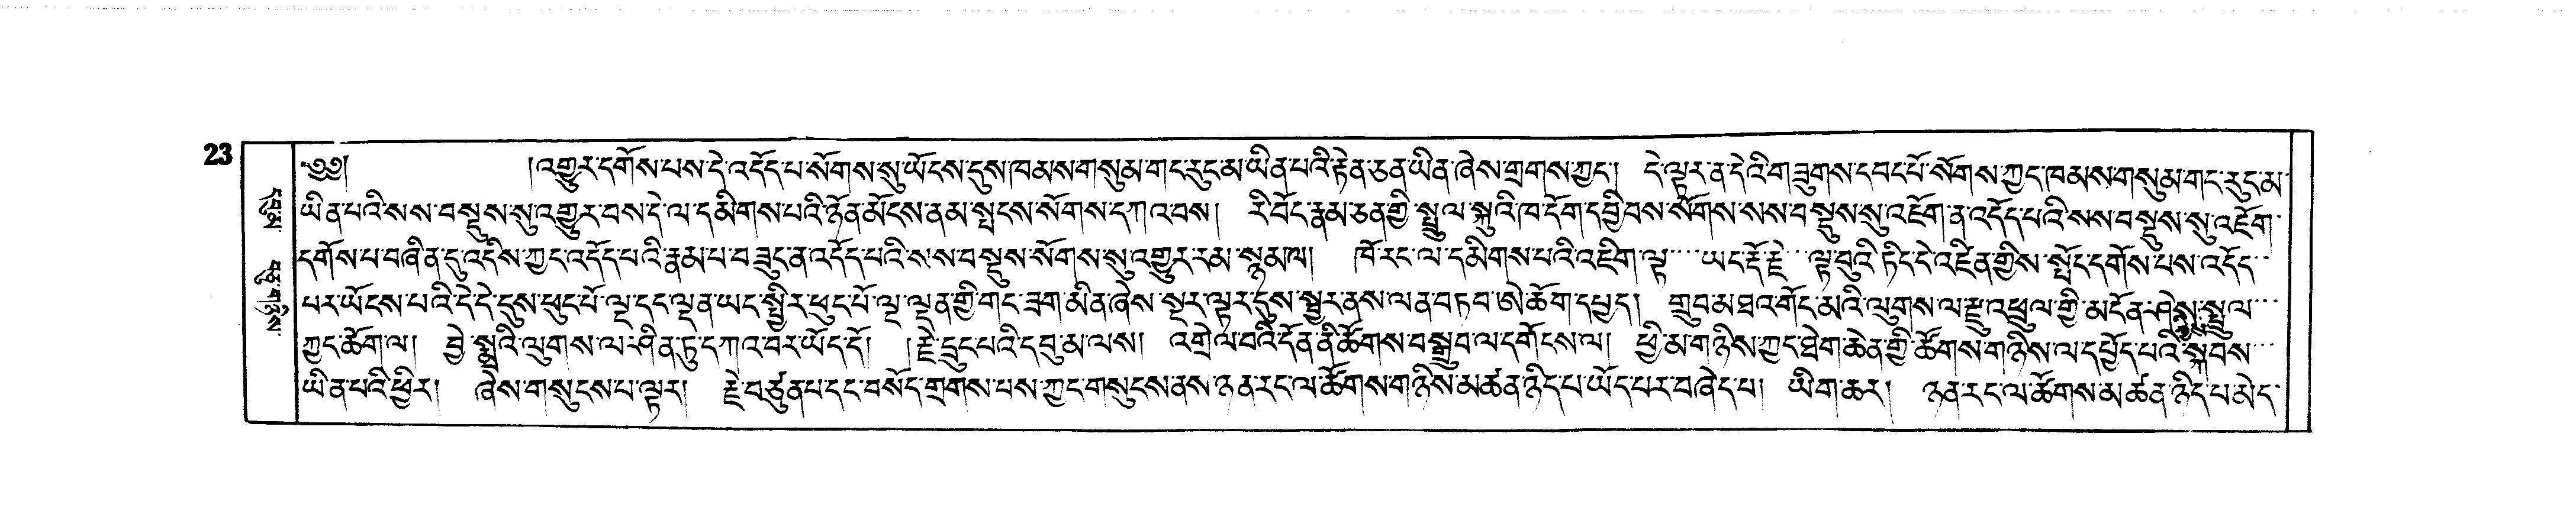༄༅། །འགྱུར་དགོས་པས་དེ་འདོད་པ་སོགས་སུ་ཡོངས་དུས་ཁམས་གསུམ་གང་རུང་མ་ཡིན་པའི་རྟེན་ཅན་ཡིན་ཞེས་གྲགས་ཀྱང་། དེ་ལྟར་ན་དེའི་གཟུགས་དབང་པོ་སོགས་ཀྱང་ཁམས་གསུམ་གང་རུང་མ་
ཡིན་པའི་སས་བསྡུས་སུ་འགྱུར་བས་དེ་ལ་དམིགས་པའི་ཉོན་མོངས་ནམ་སྤངས་སོགས་དཀའ་བས། རི་བོང་རྣམ་ཅན་གྱི་སྤྲུལ་སྐུའི་ཁ་དོག་དབྱིབས་སོགས་སས་བསྡུས་སུ་འཇོག་ན་འདོད་པའི་སས་བསྡུས་སུ་འཇོག་
དགོས་པ་བཞིན་དུ་འདིས་ཀྱང་འདོད་པའི་རྣམ་པ་བཟུང་ན་འདོད་པའི་སས་བསྡུས་སོགས་སུ་འགྱུར་རམ་སྙམ་ལ། ཁོ་རང་ལ་དམིགས་པའི་འཇིག་ལྟ་ཡང་རྡོ་རྗེ་ལྟ་བུའི་ཏིང་ངེ་འཛིན་གྱིས་སྤོང་དགོས་པས་འདོད་
པར་ཡོངས་པའི་དེ་དེ་དུས་ཕུང་པོ་ལྔ་དང་ལྡན་ཡང་སྤྱིར་ཕུང་པོ་ལྔ་ལྡན་གྱི་གང་ཟག་མིན་ཞེས་སྔར་ལྟར་དུས་སྦྱར་ནས་ལན་བཏབ་ཨེ་ཆོག་དཔྱད། གྲུབ་མཐའ་གོང་མའི་ལུགས་ལ་རྫུ་འཕྲུལ་གྱི་མངོན་ཤེས་ཀྱིས་སྤྲུལ་
ཀྱང་ཆོག་ལ། བྱེ་སྨྲའི་ལུགས་ལ་ཤིན་ཏུ་དཀའ་བར་ཡོད་དོ། །རྗེ་དྲུང་པའི་དབུ་མ་ལས། འགྲེལ་བའི་དོན་ནི་ཚོགས་བསྒྲུབ་ལ་དགོངས་ལ། ཕྱི་མ་གཉིས་ཀྱང་ཐེག་ཆེན་གྱི་ཚོགས་གཉིས་ལ་དཔྱོད་པའི་སྐབས་
ཡིན་པའི་ཕྱིར། ཞེས་གསུངས་པ་ལྟར། རྗེ་བཙུན་པ་དང་བསོད་གྲགས་པས་ཀྱང་གསུངས་ནས་ཉན་རང་ལ་ཚོགས་གཉིས་མཚན་ཉིད་པ་ཡོད་པར་བཞེད་པ། ཡིག་ཆར། ཉན་རང་ལ་ཚོགས་མཚན་ཉིད་པ་མེད་